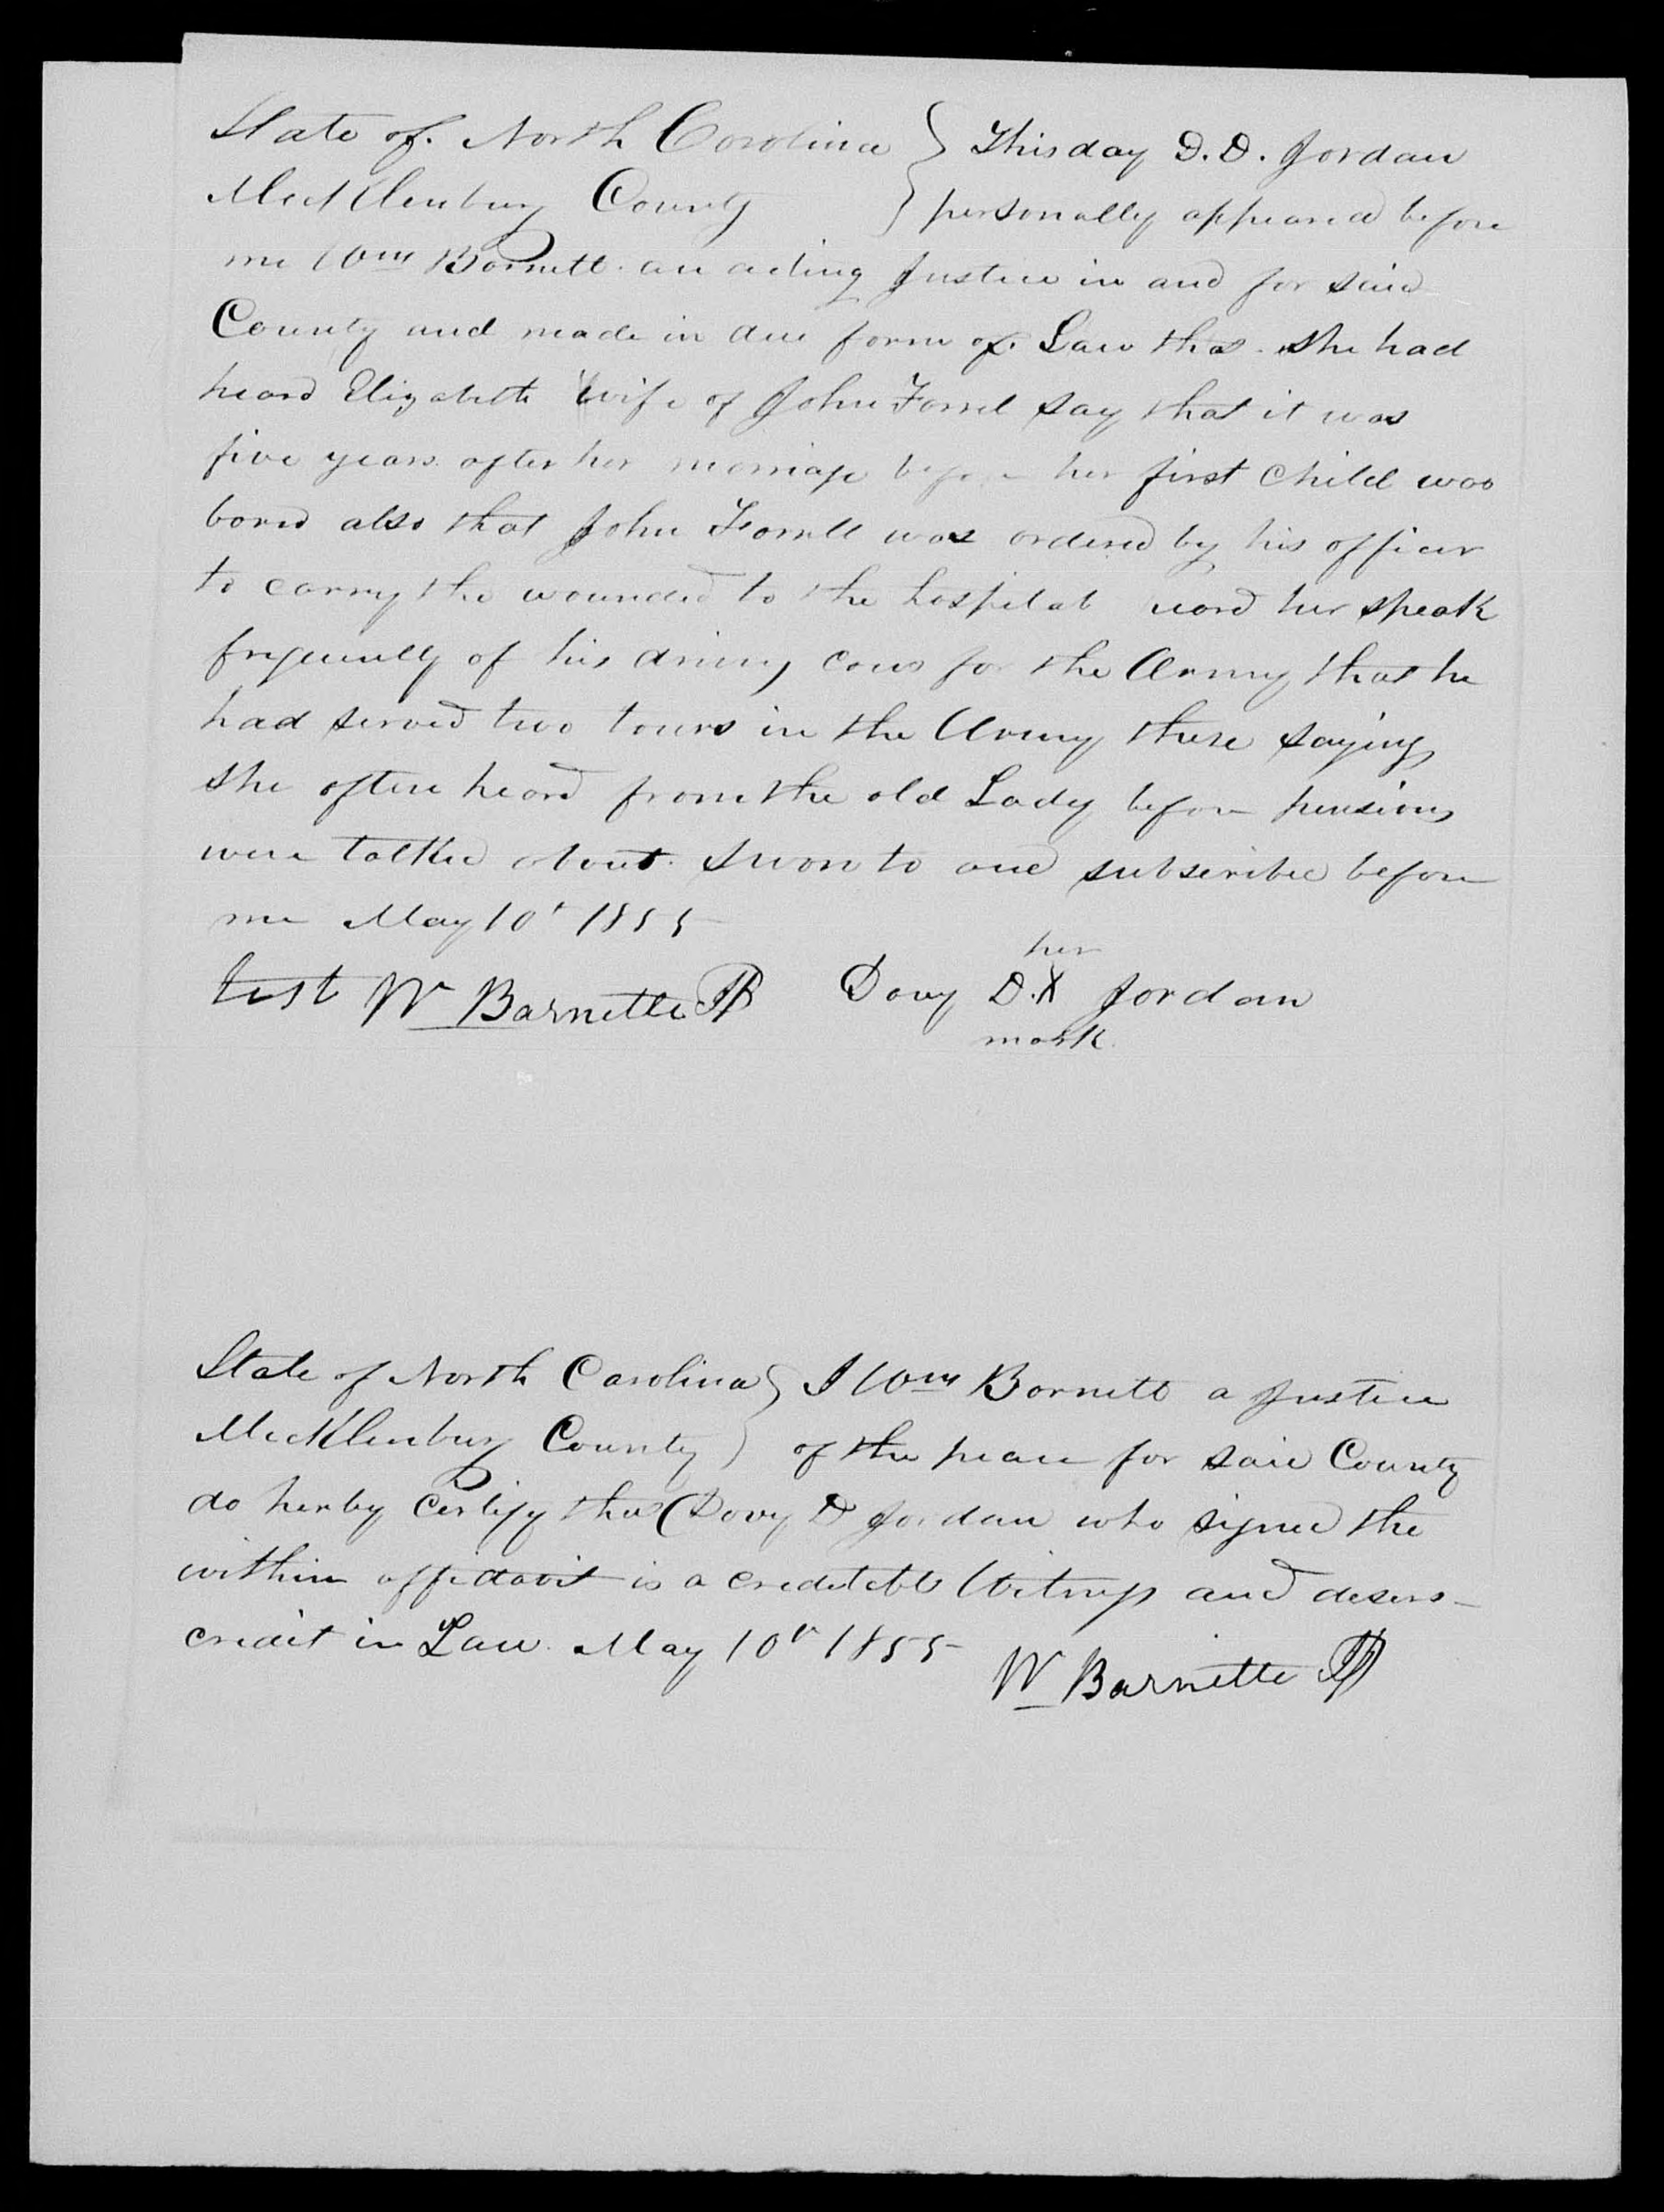State of North Carolina
Mecklenburg County
This day DD Jordan personally appeared before me Wm. Barnette an acting Justice in and for said County and made in an form of law that she had heard Elizabeth wife of John Ferrel say that it was five years after her marriage before her first child was born also that John Ferrell was ordered by his officer to carry the wounded to the hospital ward her speak frequently of his dairy cows for for the Army that he had served two tours in the Army there saying she often heard from the old Lady before pension were talked about.  Sworn to and subscribed before me May 10th 1855.
Test W. Barnette :illegible:
Dory D. Jordan
Her mark
State of North Carolina
Mecklenburg County
Wm. Barnette a Justice of the peace for said County do hereby certify that Dory D. Jordan who signed the within officiant is a creditable citizen and deserves credit in Law. May 10th 1855
W. Barnette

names: Wm Bornett, W Barnette, Dovy D Jordan, John Forrell, Dovy D Jordan, W Barnette, D D Jordan, John Forrel, Elizabeth, Wm Bornett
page: 39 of 52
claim: rejected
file: R. 3,512, John Ferrell, N.C.